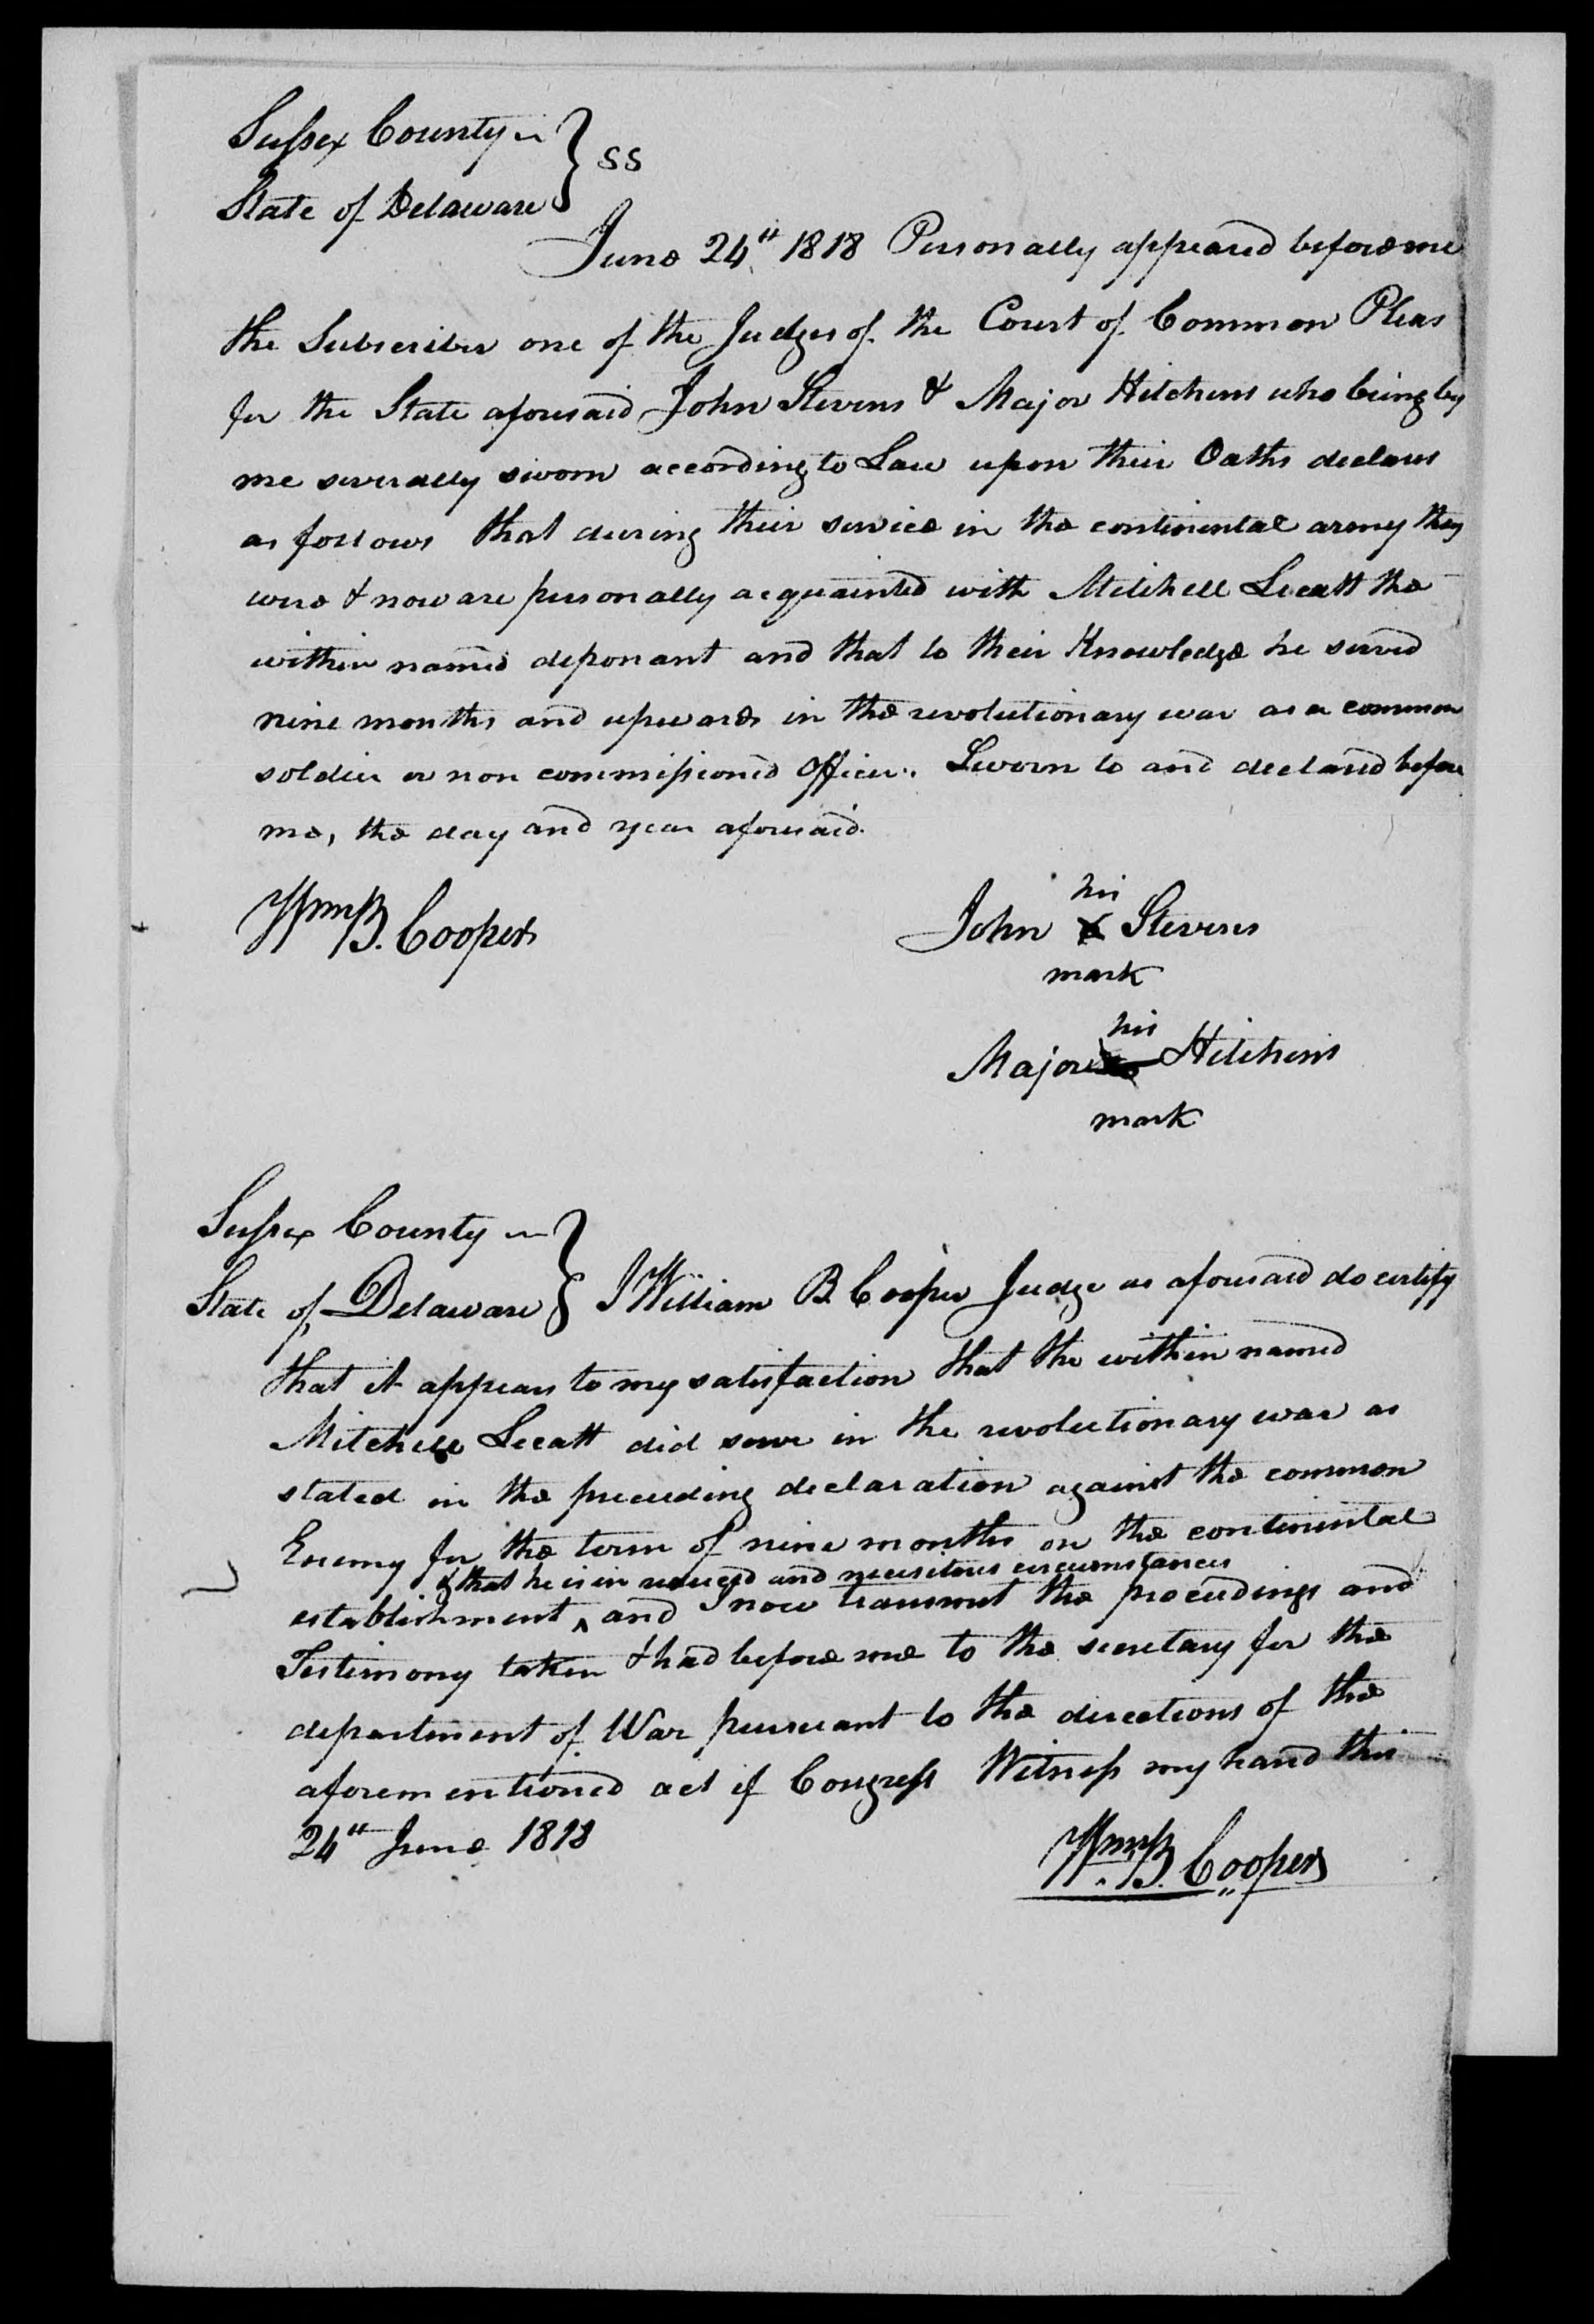Sussex County
State of Delaware} SS
June 24th 1818 Personally appeared before me the Subscriber one of the Judges of the Court of Common Pleas for the State aforesaid John Stevens & Major Hitchens who being by me severally sworn according to Law upon their Oaths declare as follows that during their service in the continental army they were & now are personally acquainted with Mitchell Lecatt the within named deponent and that to their knowledge he served nine months and upwards in the revolutionary war as a common soldier or non commissioned officer. Sworn to and declared before me, the day and year aforesaid.
[signed] Wm B. Cooper
John Stevens his X mark
Major Hitchens his X mark

Sussex County
State of Delaware} I William B. Cooper Judge as aforesaid do certify that it appears to my satisfaction that the within named Mitchell Lecatt did serve in the revolutionary war as stated in the preceeding declaration against the common Enemy for the term of nine months on the continental establishment & that he is in reduced and [illegible] circumstances and I now transmit the proceedings and Testimony taken & had before me to the secretary for the department of War pursuant to the directions of the aforementioned act of Congress Witness my hand this 24th June 1818
[signed[ Wm. B. Cooper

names: Mitchell Lecatt; John Stevens; Wm B Cooper; Major Hitchens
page: 6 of 12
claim: survivor's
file: S. 36,040, for Mitchell Lecatt, Delaware